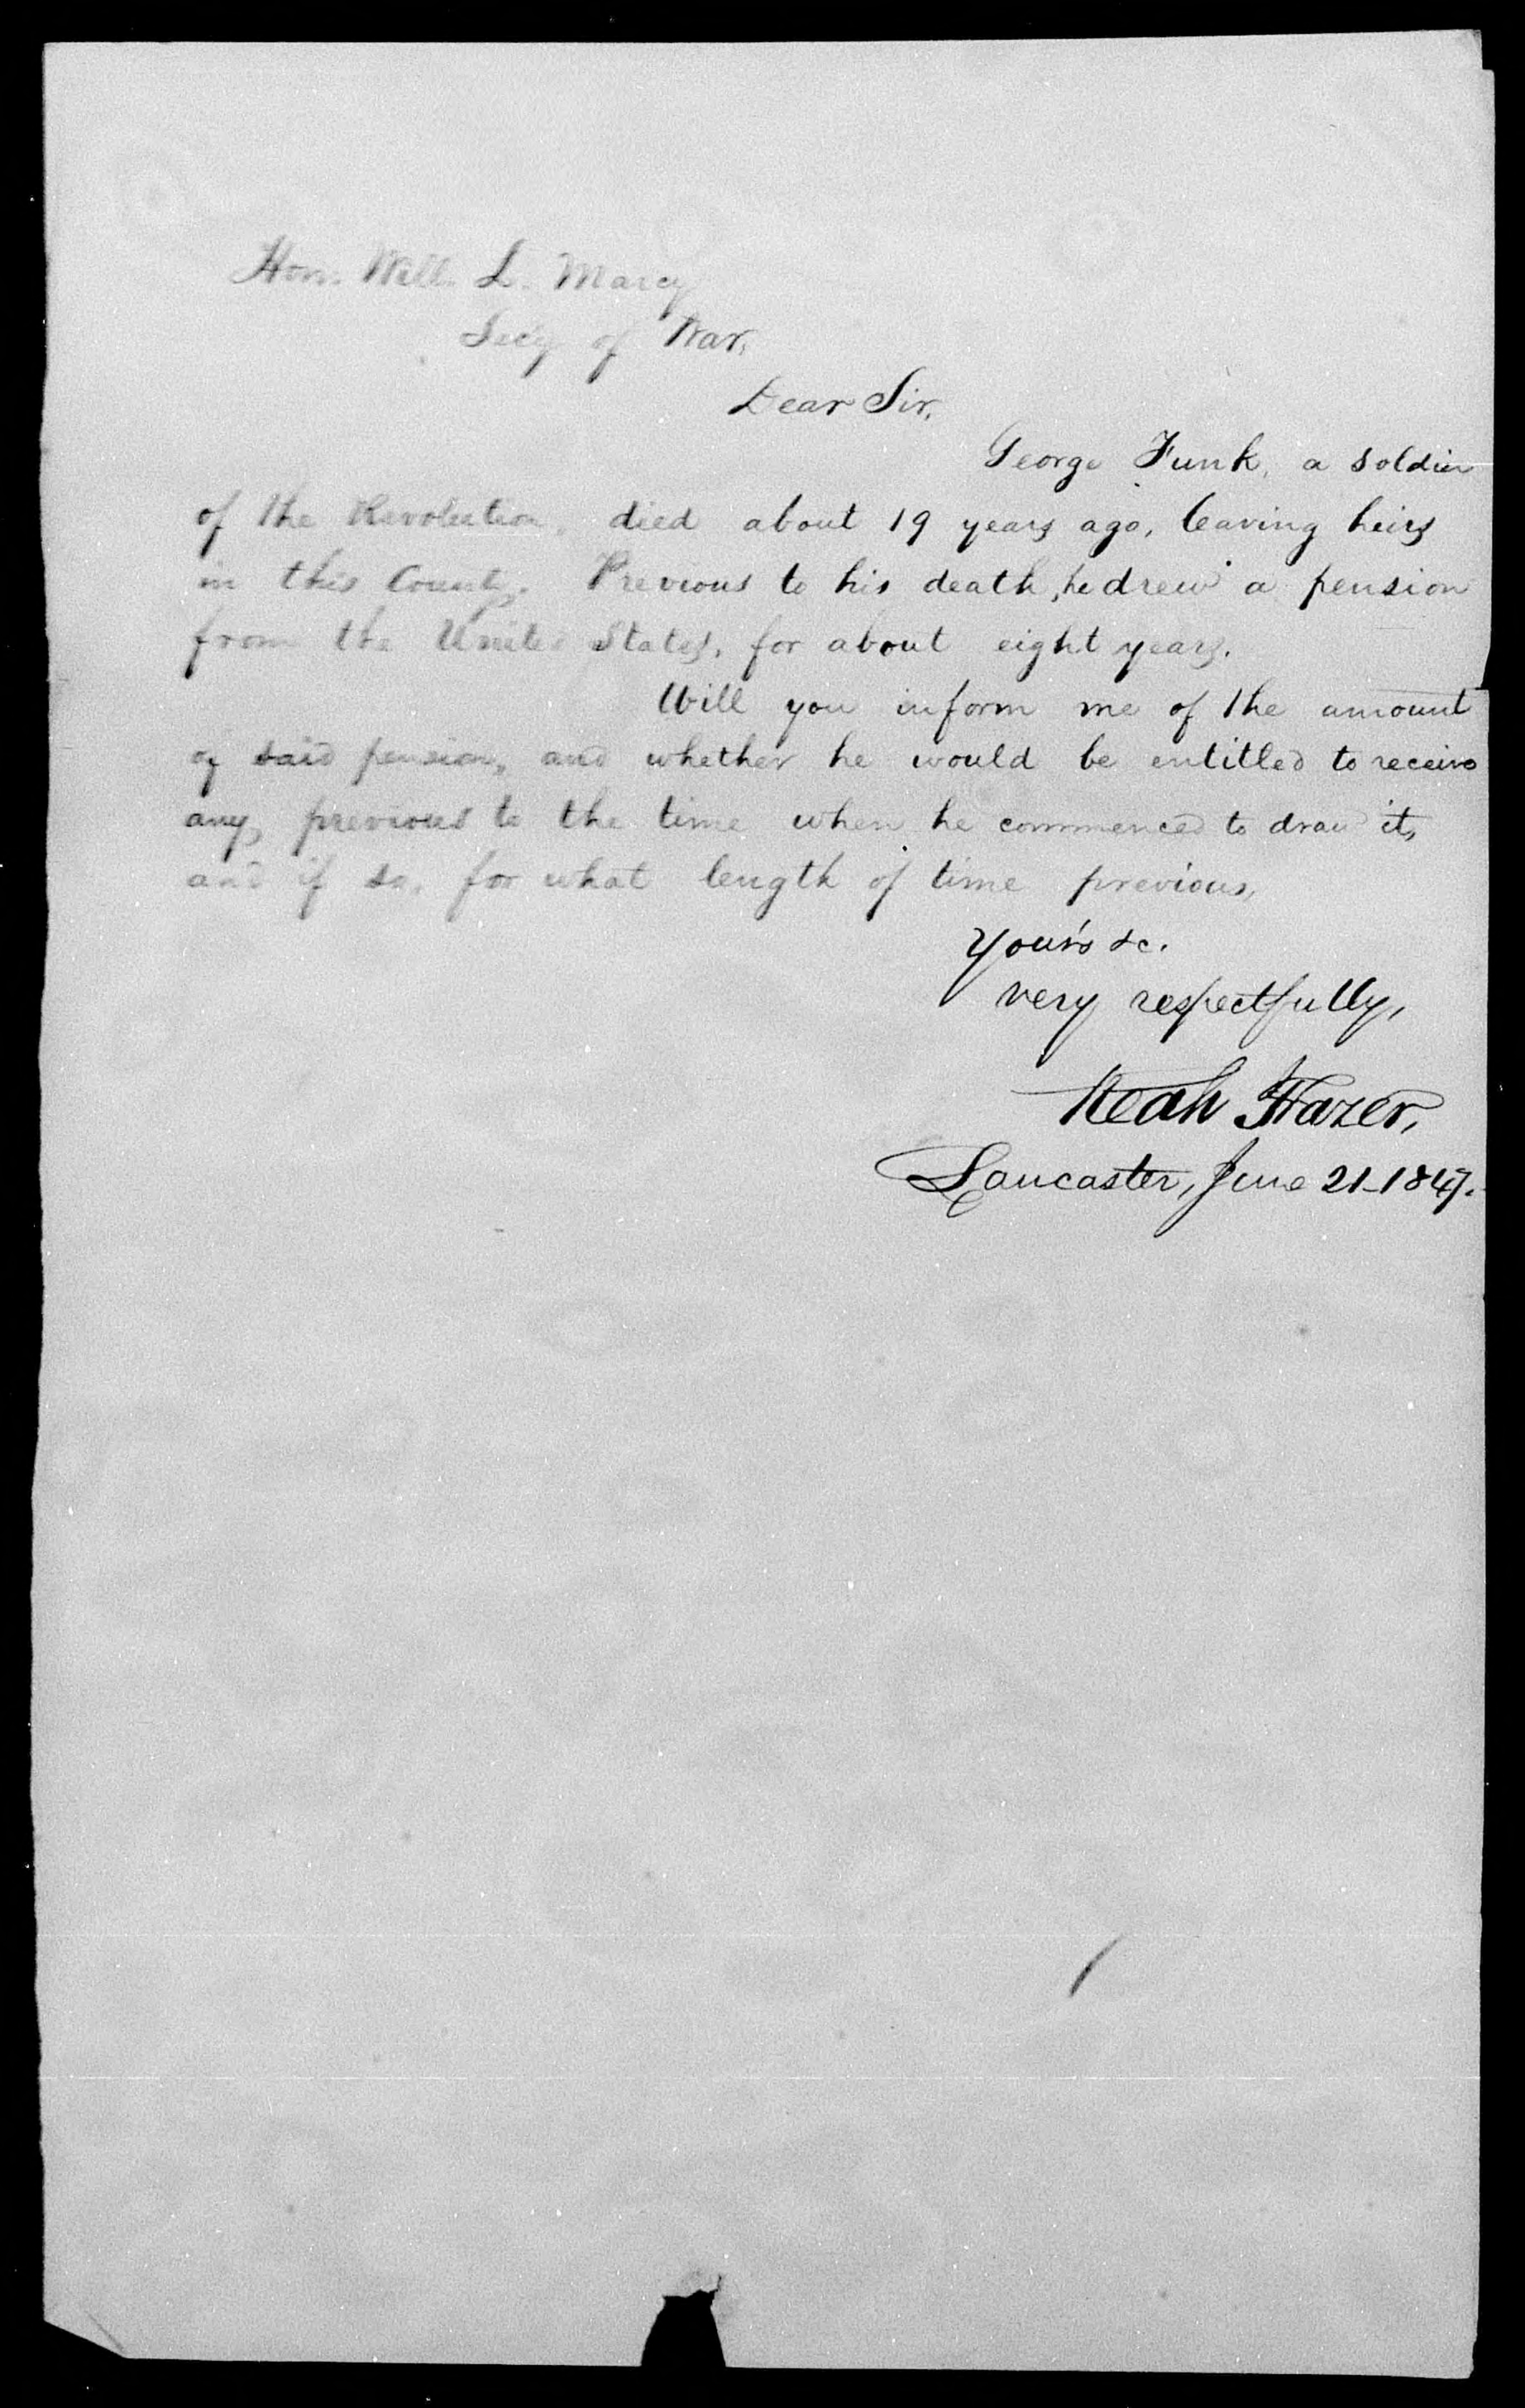Hon. Will. L. Marcy
Secretary of War
Dear Sir,
George Funk, a soldier of the Revolution, died about 19 years ago, leaving heirs in this County. Previous to his death, he drew a pension from the United States for about eight years.
Will you inform me of the amount of said pension, and whether he would be entitled to receive any, previous to the time when he commenced to draw it, and if so, for what length of time previous.
Yours &c.
Very respectfully,
Noah Frazer
Lancaster, June 21, 1847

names: George Funk, Will L Marcy, Reah Frazer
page: 6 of 11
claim: survivor's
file: S. 41553, George Funk, Continental (German Regiment)